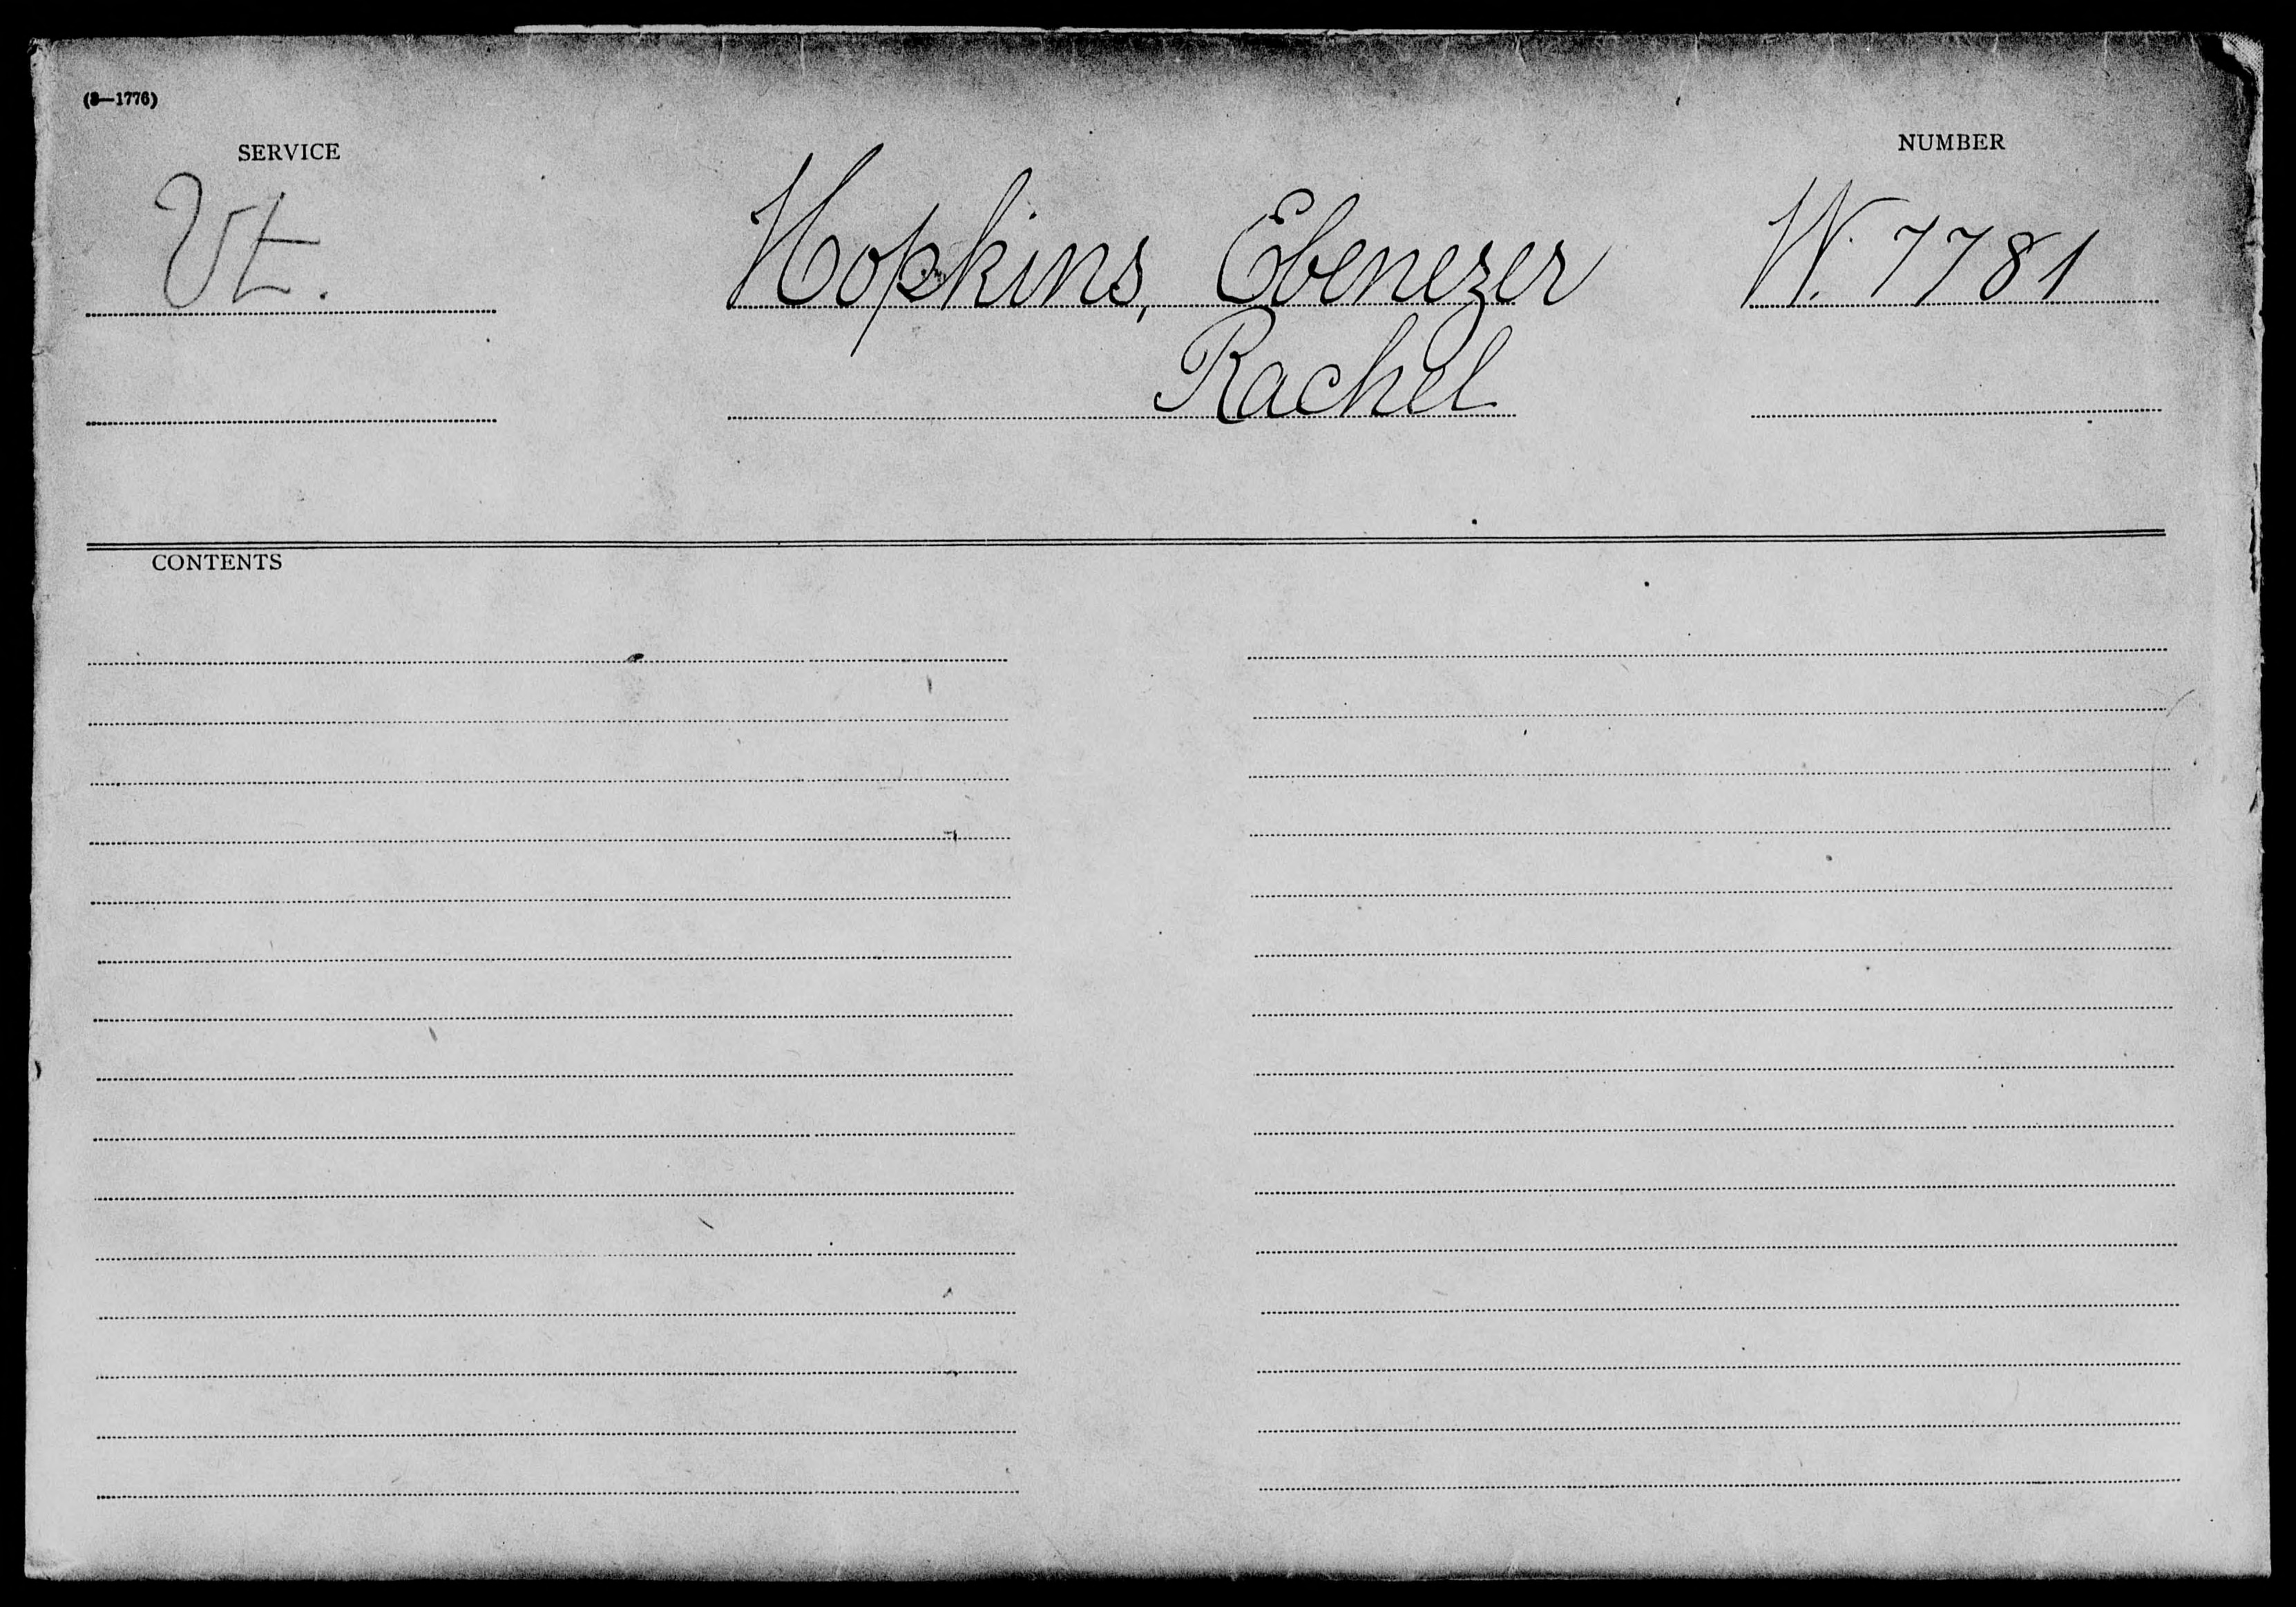(3 - 1776)
SERVICE    NUMBER   
VT.  

Hopkins, Ebenezer   W. 7781
Rachel



CONTENTS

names: Ebenezer Hopkins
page: 63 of 144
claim: rejected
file: R. 5208, Dennis Hopkins, N.C.